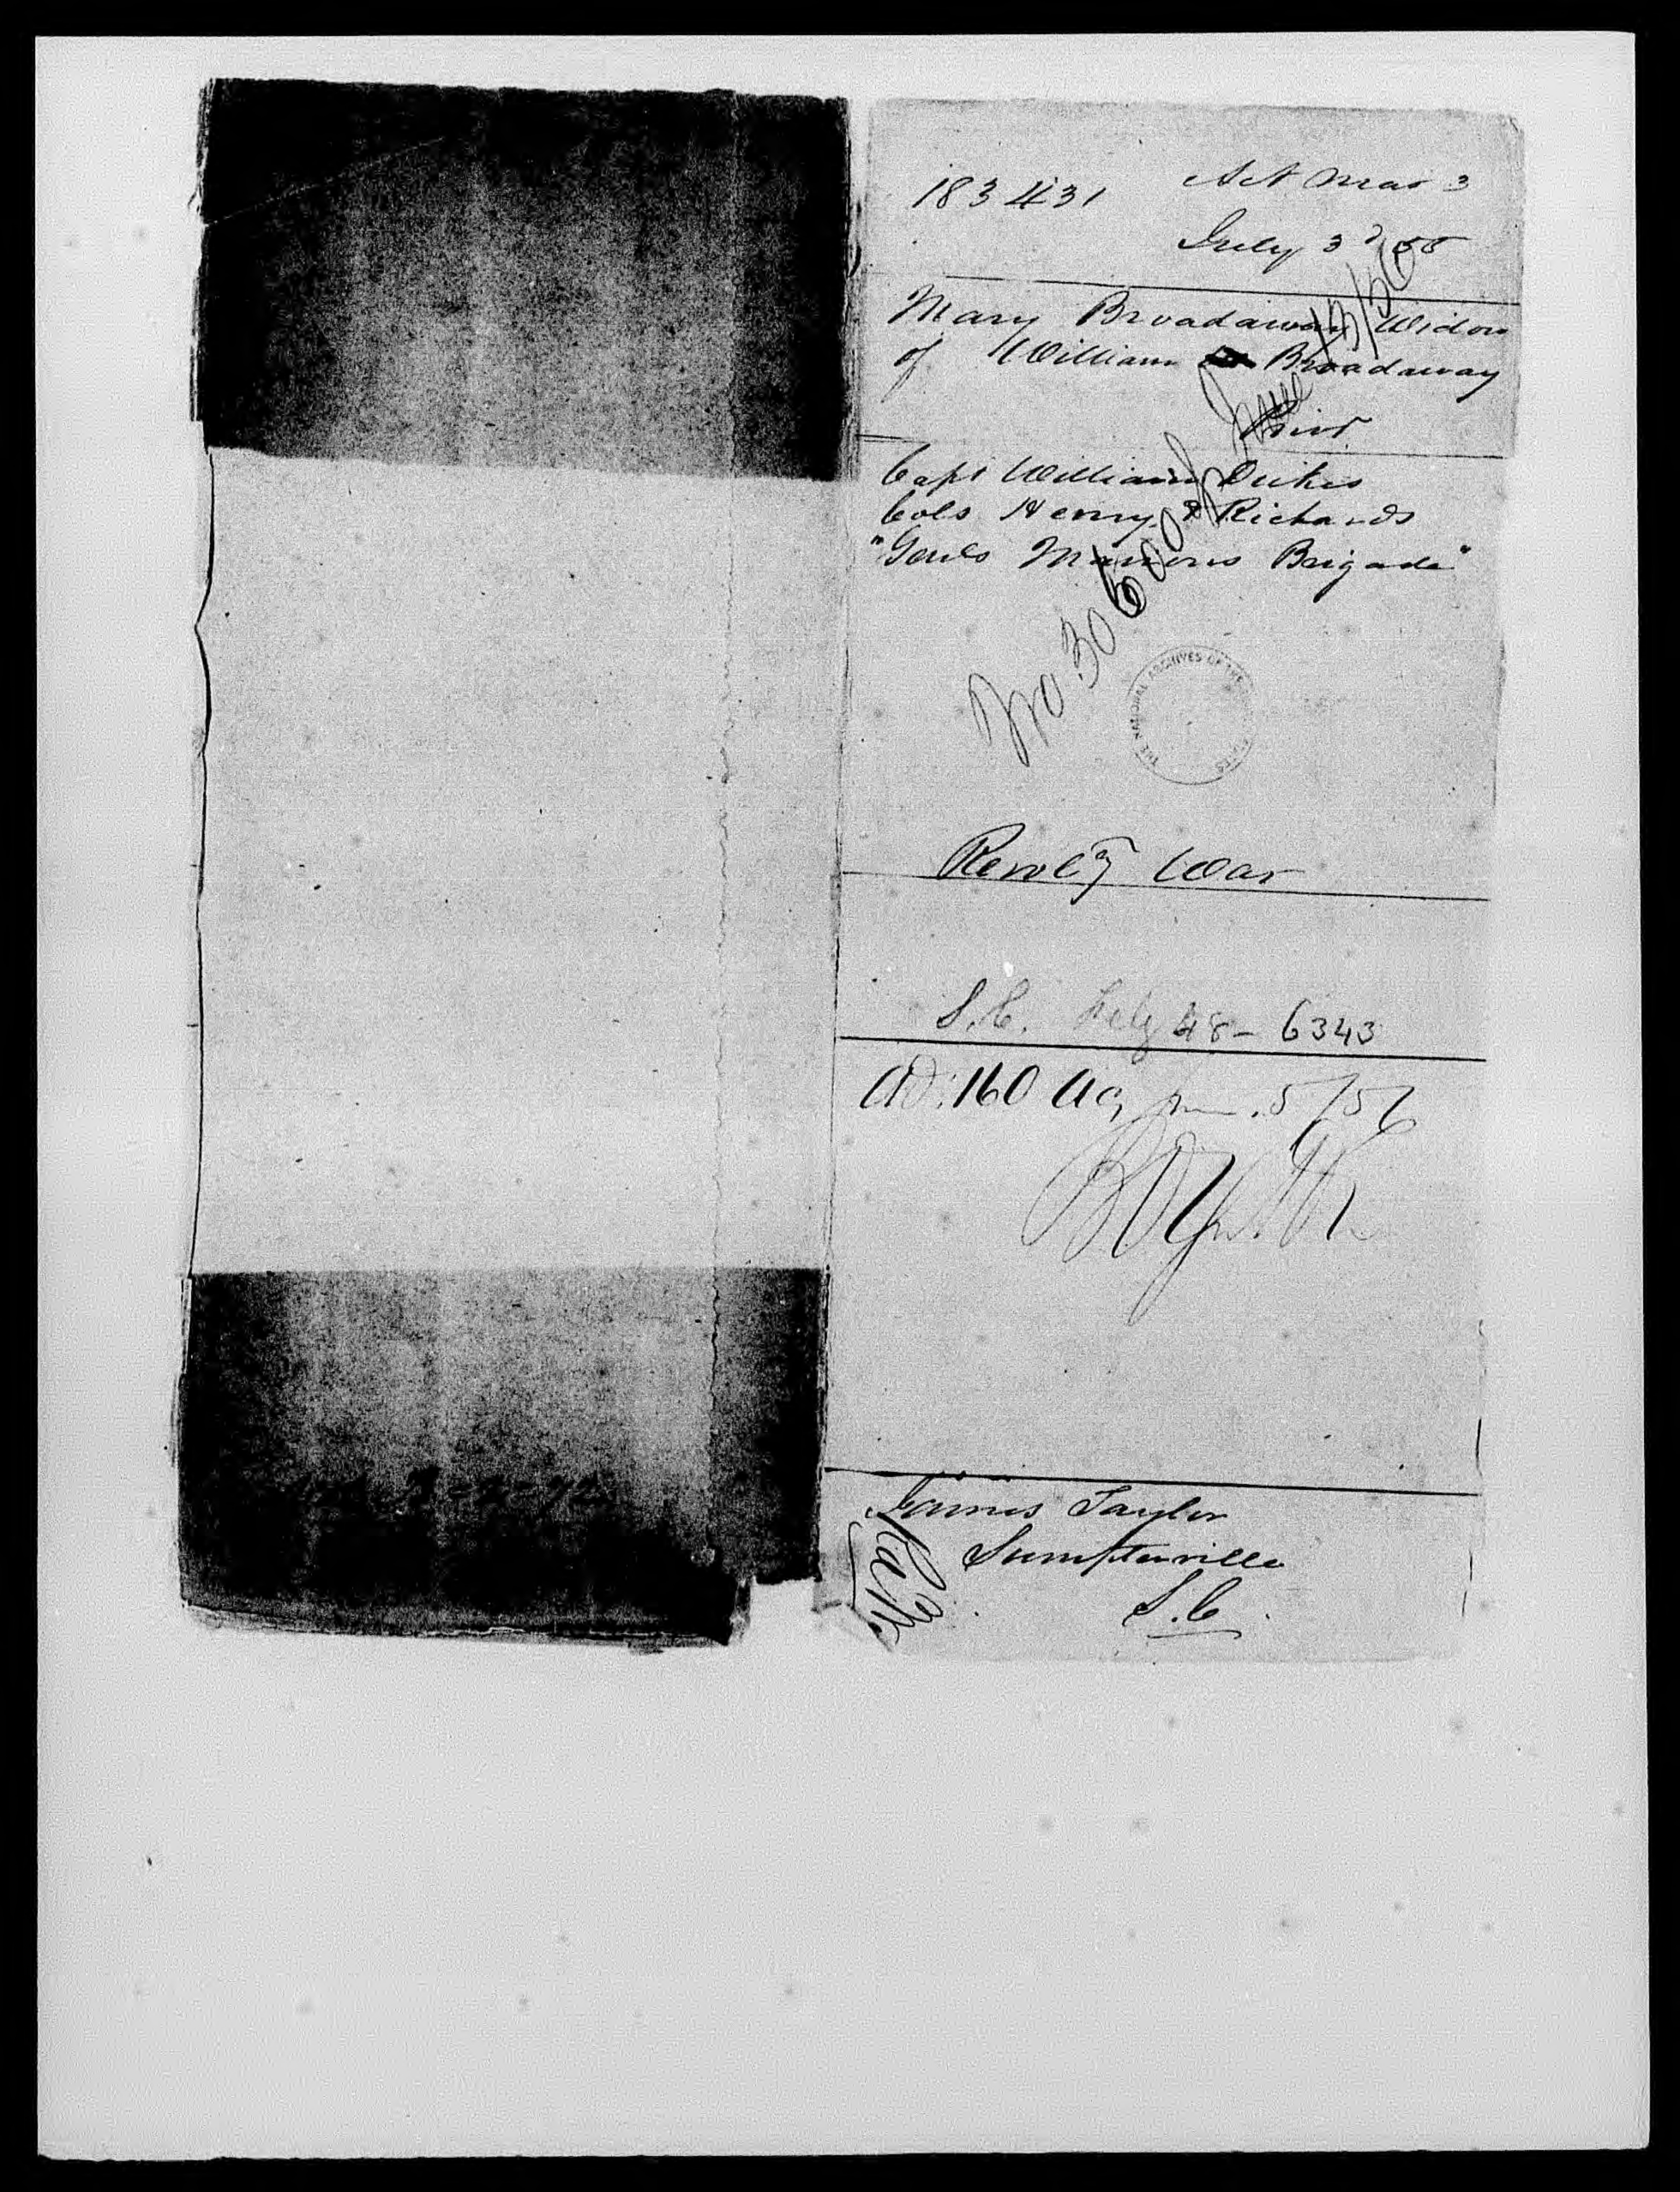183431
Act Mar 3 July 3 '55
Mary Broadway Widow
of William Broadway
privt
Capt William Dukes
Col Henry Richards [sic, Richard Richardson]
"Genls [Francis] Marions Brigade"
No.30600 fr June 13/56
Revoly War
S.C. July 48 -6343
AD. 160 Ac. June 5/56
Boynton
James Taylor
Sumpterville
S.C.
Rev War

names: William Broadway, Mary Broadway, Henry Richards, William Dickes, James Taylor, Boynton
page: 3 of 98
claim: widow's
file: W. 8398, William Broadway, S.C.